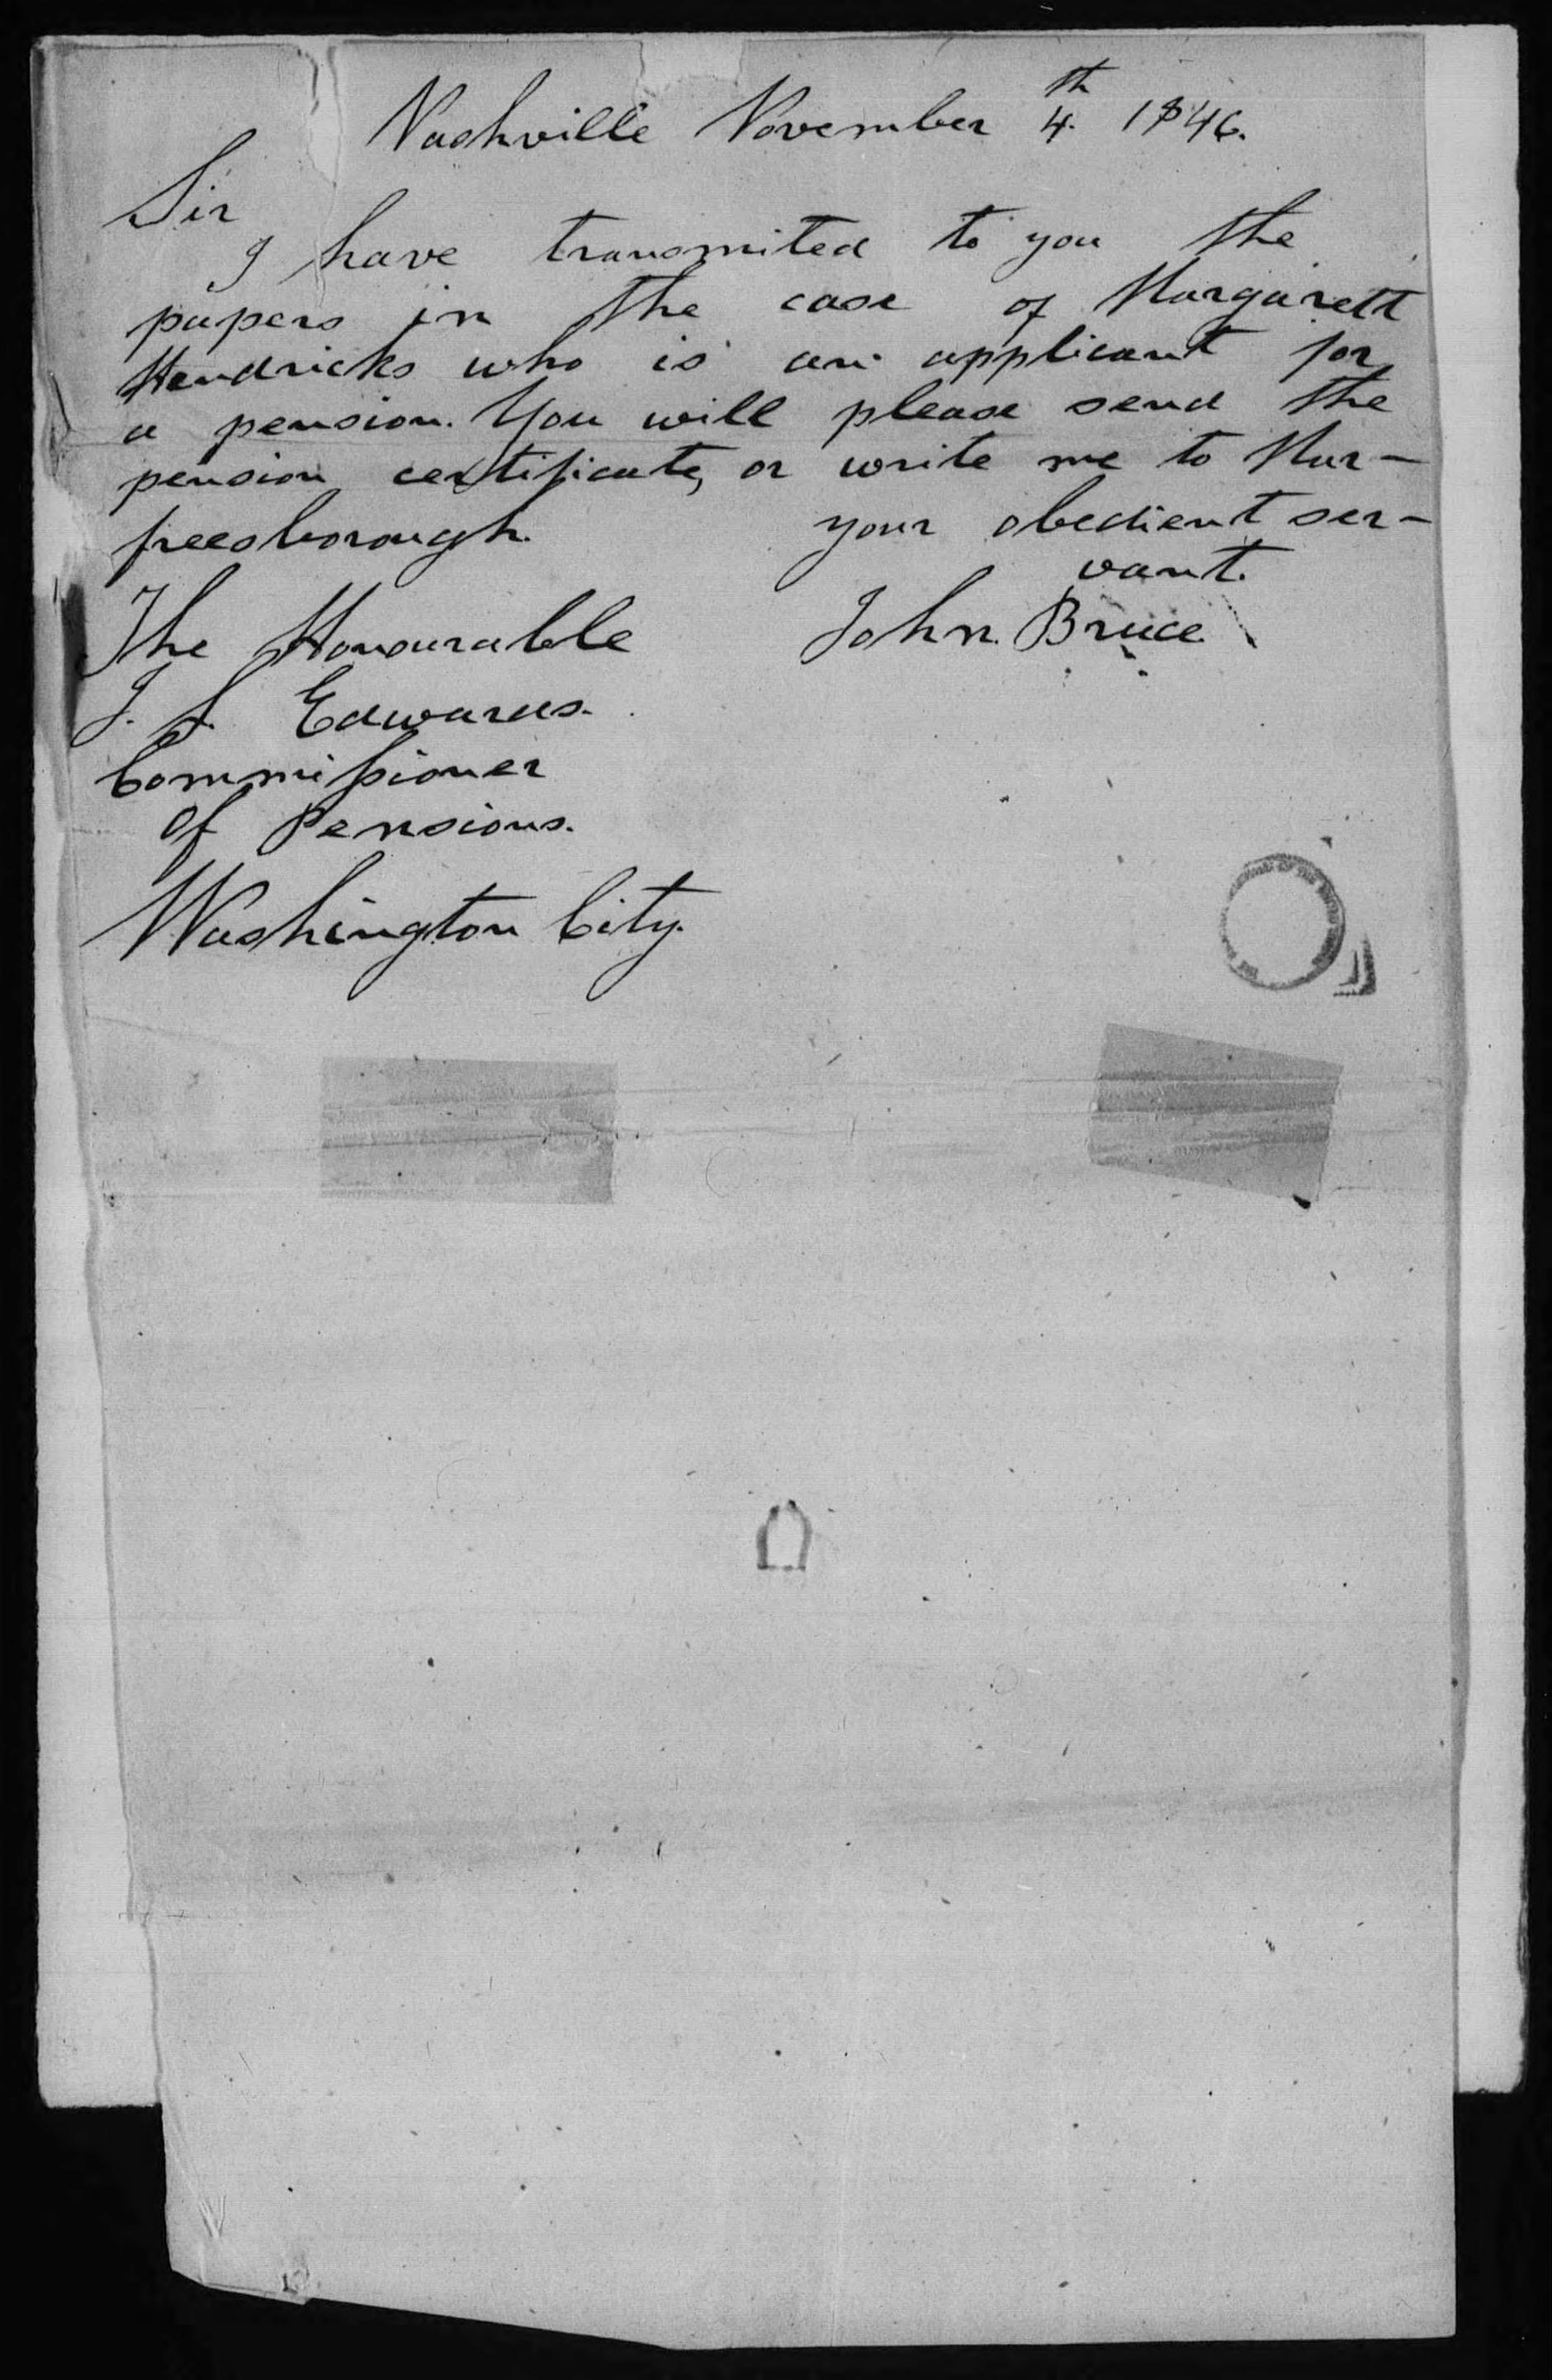Nashville November 4th. 1846

Sir

I have transmited [transmitted] to you the 
purposes in the case of Margarett 
Hendricks who is an applicant for 
a pension.  You will please send the 
pension certificate, or write me to Mur
freesborough.  Your obedient ser
vant 
John Bruce

The Honourable [Honorable]
J. S. Edwards 
Commissioner 
of Pensions 
Washington City 

[Circular stamp National Archives]
THE NATIONAL ARCHIVES OF THE UNITED STATES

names: J L Edwards, Margarett Hendricks, John Bruce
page: 53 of 76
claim: widow's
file: W. 83, Albert Hendricks, Continental Md. N.C.